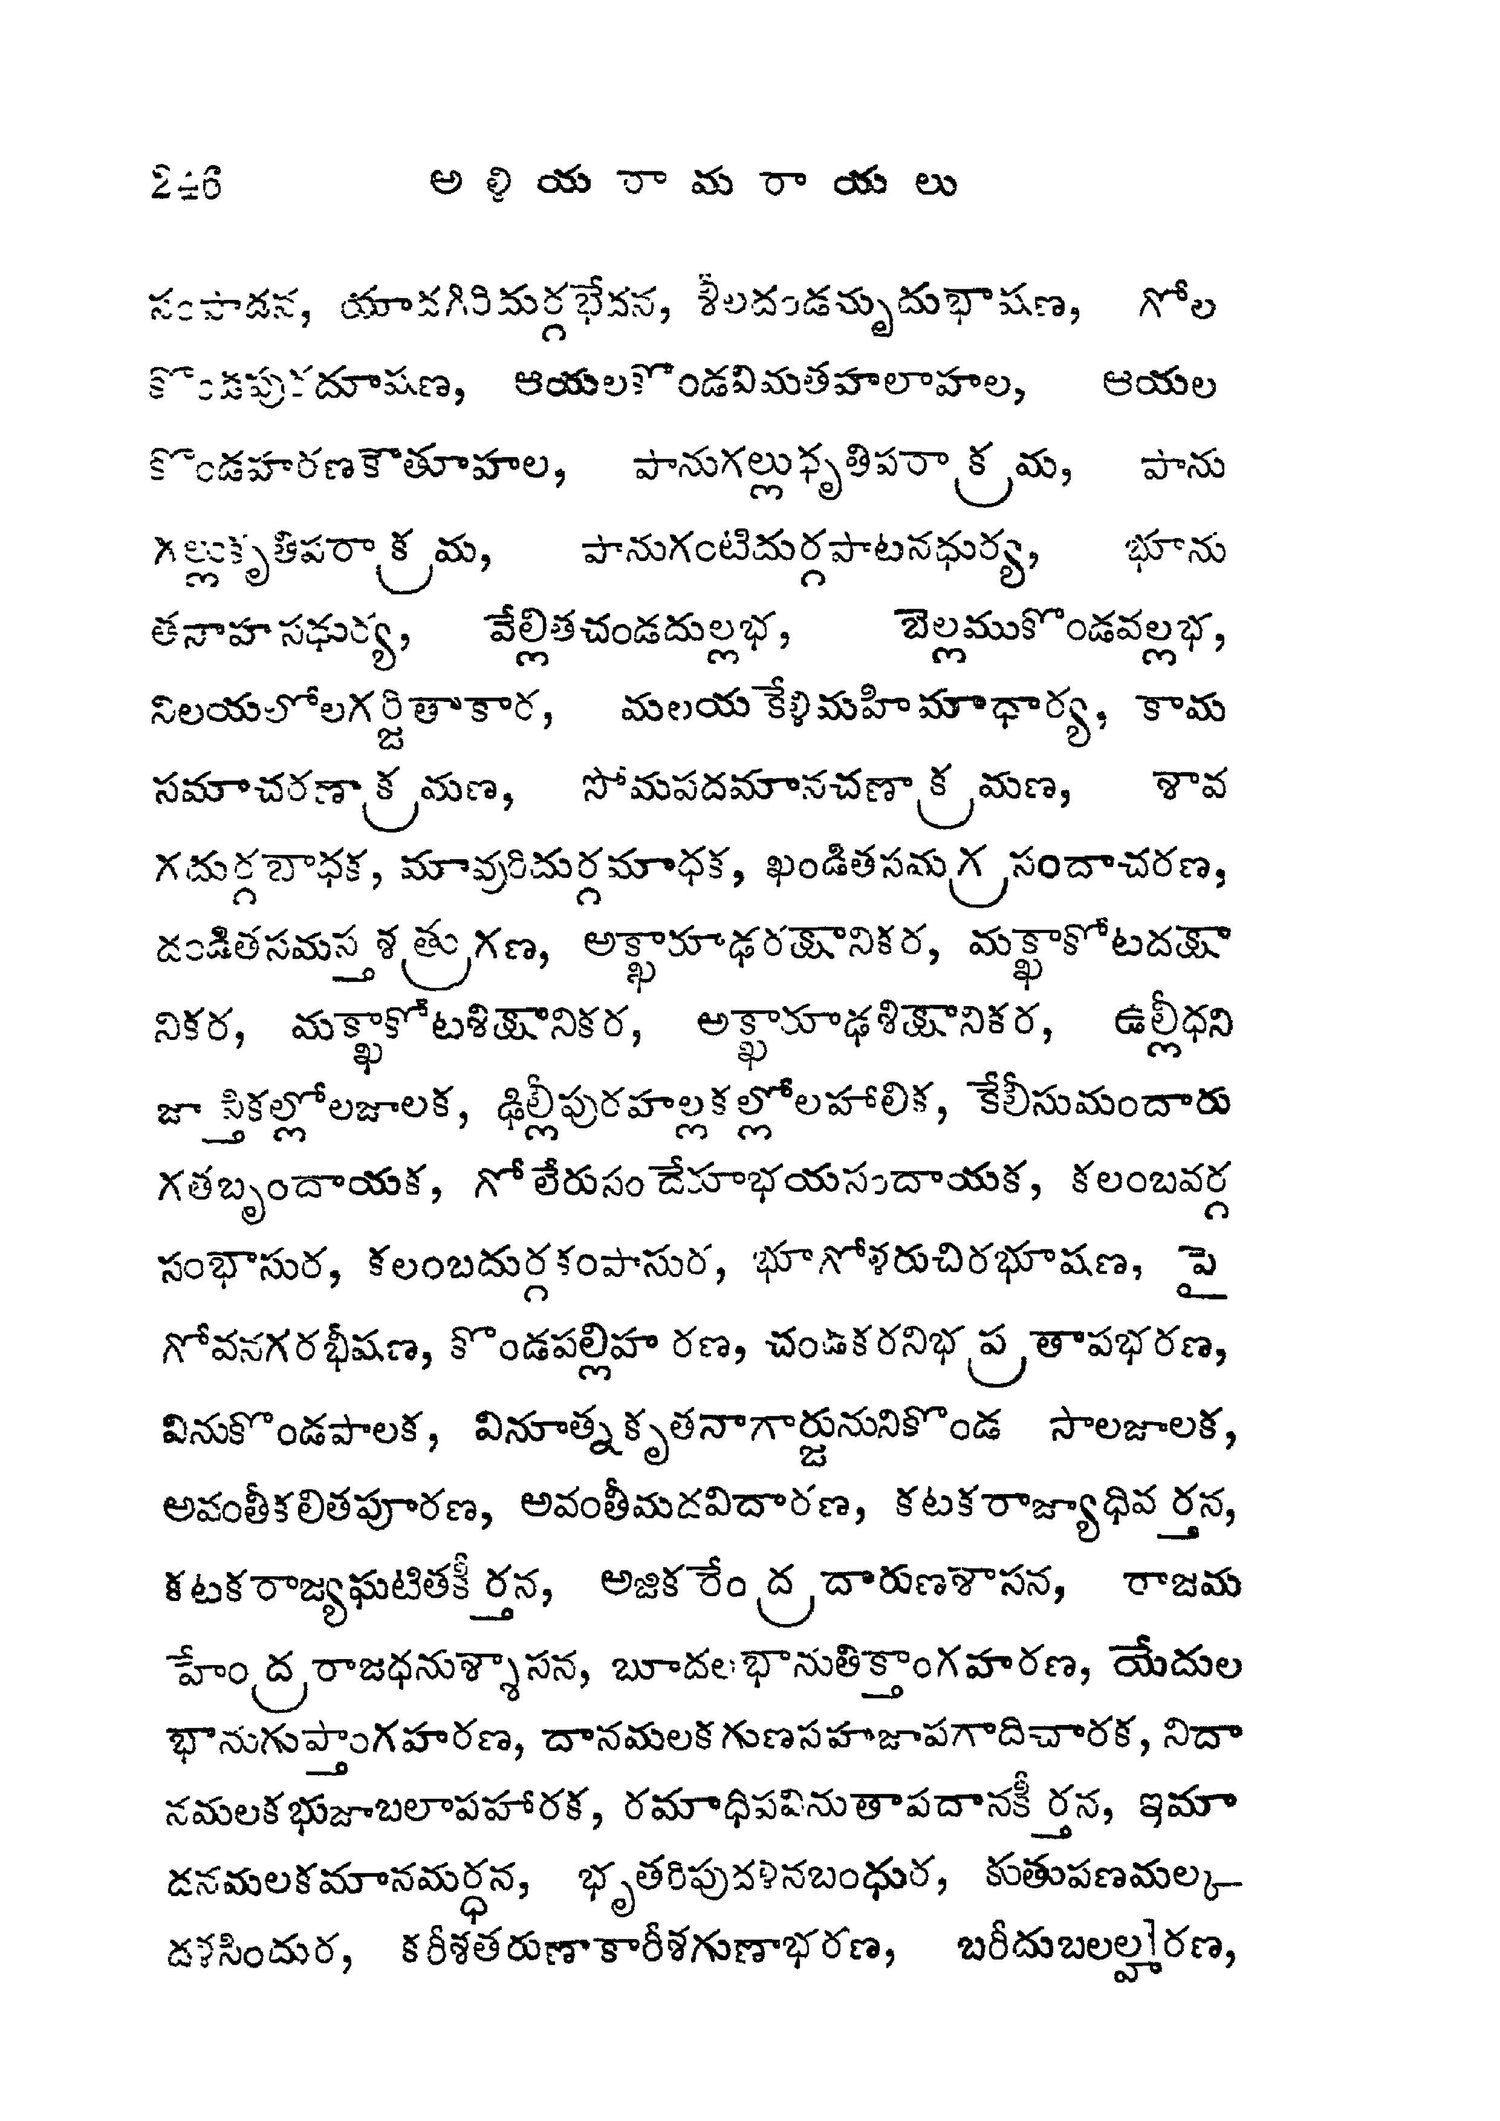సంపాదన, యాదగిరిదుర్గభేదన, శీలదండమృదుభాషణ, గోలకొండపురదూషణ, ఆయలకొండవిమత హలాహల, ఆయలకొండహరణకౌతూహల, పానుగల్లుధృతిపరాక్రమ, పానుగల్లుకృతిపరాక్రమ, పానుగంటిదుర్గపాటనధుర్య, భూనుతసాహసధుర్య, వేల్లితచండదుల్లభ, బెల్లముకొండవల్లభ, నిలయలోలగర్జితాకార, మలయకేళిమహిమాధార్య, కామసమాచారణాక్రమణ, సోమపదమానచణా క్రమణ, శావగదుర్గబాధక, మాపురిదుర్గమాధక, ఖండితసమగ్రసందాచరణ, దండితసమస్తశత్రుగణ, అక్ఖారూడరక్షానికర, మక్ఖాకోటదక్షానికర, మక్ఖాకోటశిక్షానికర, అక్ఖారూడశిక్షానికర, ఉల్లీధనిజాస్తికల్లోల జాలక, డిల్లీపురహల్లకల్లోలహాలిక, కేలీసుమందారు గతబృందాయక, గోలేరుసందేరూభయ సందాయక, కలంబవర్గ సంభాసుర, కలంబదుర్గ కంపాసుర, భూగోళరుచిరభూషణ, పైగోవనగరభీషణ, కొండపల్లిహరణ, చండకరనిభప్రతాపభరణ, వినుకొండపాలక, వినూత్నకృతనాగార్జునునికొండ సాలజాలక, అవంతీకలితపూరణ, అవంతీమదవిదారణ, కటకరాజ్యాధివర్తన, కటకరాజ్యఘటితకీర్తన, అజికరేంద్రదారుణ శాసన, రాజమహేంద్రరాజధనుశ్శాసన, బూదలభానుతిక్తాంగహరణ, యేదులభానుగుప్తాంగహరణ, దానమలకగుణసహజాపగాదిచారక, నిదానమలకమానమర్ధన, భృతరిపుదళనబంధుర, కుతుపణమల్క దళసిందుర, కరీశతరుణాకారీశగుణాభరణ, బరీదుబలల్హరణ,